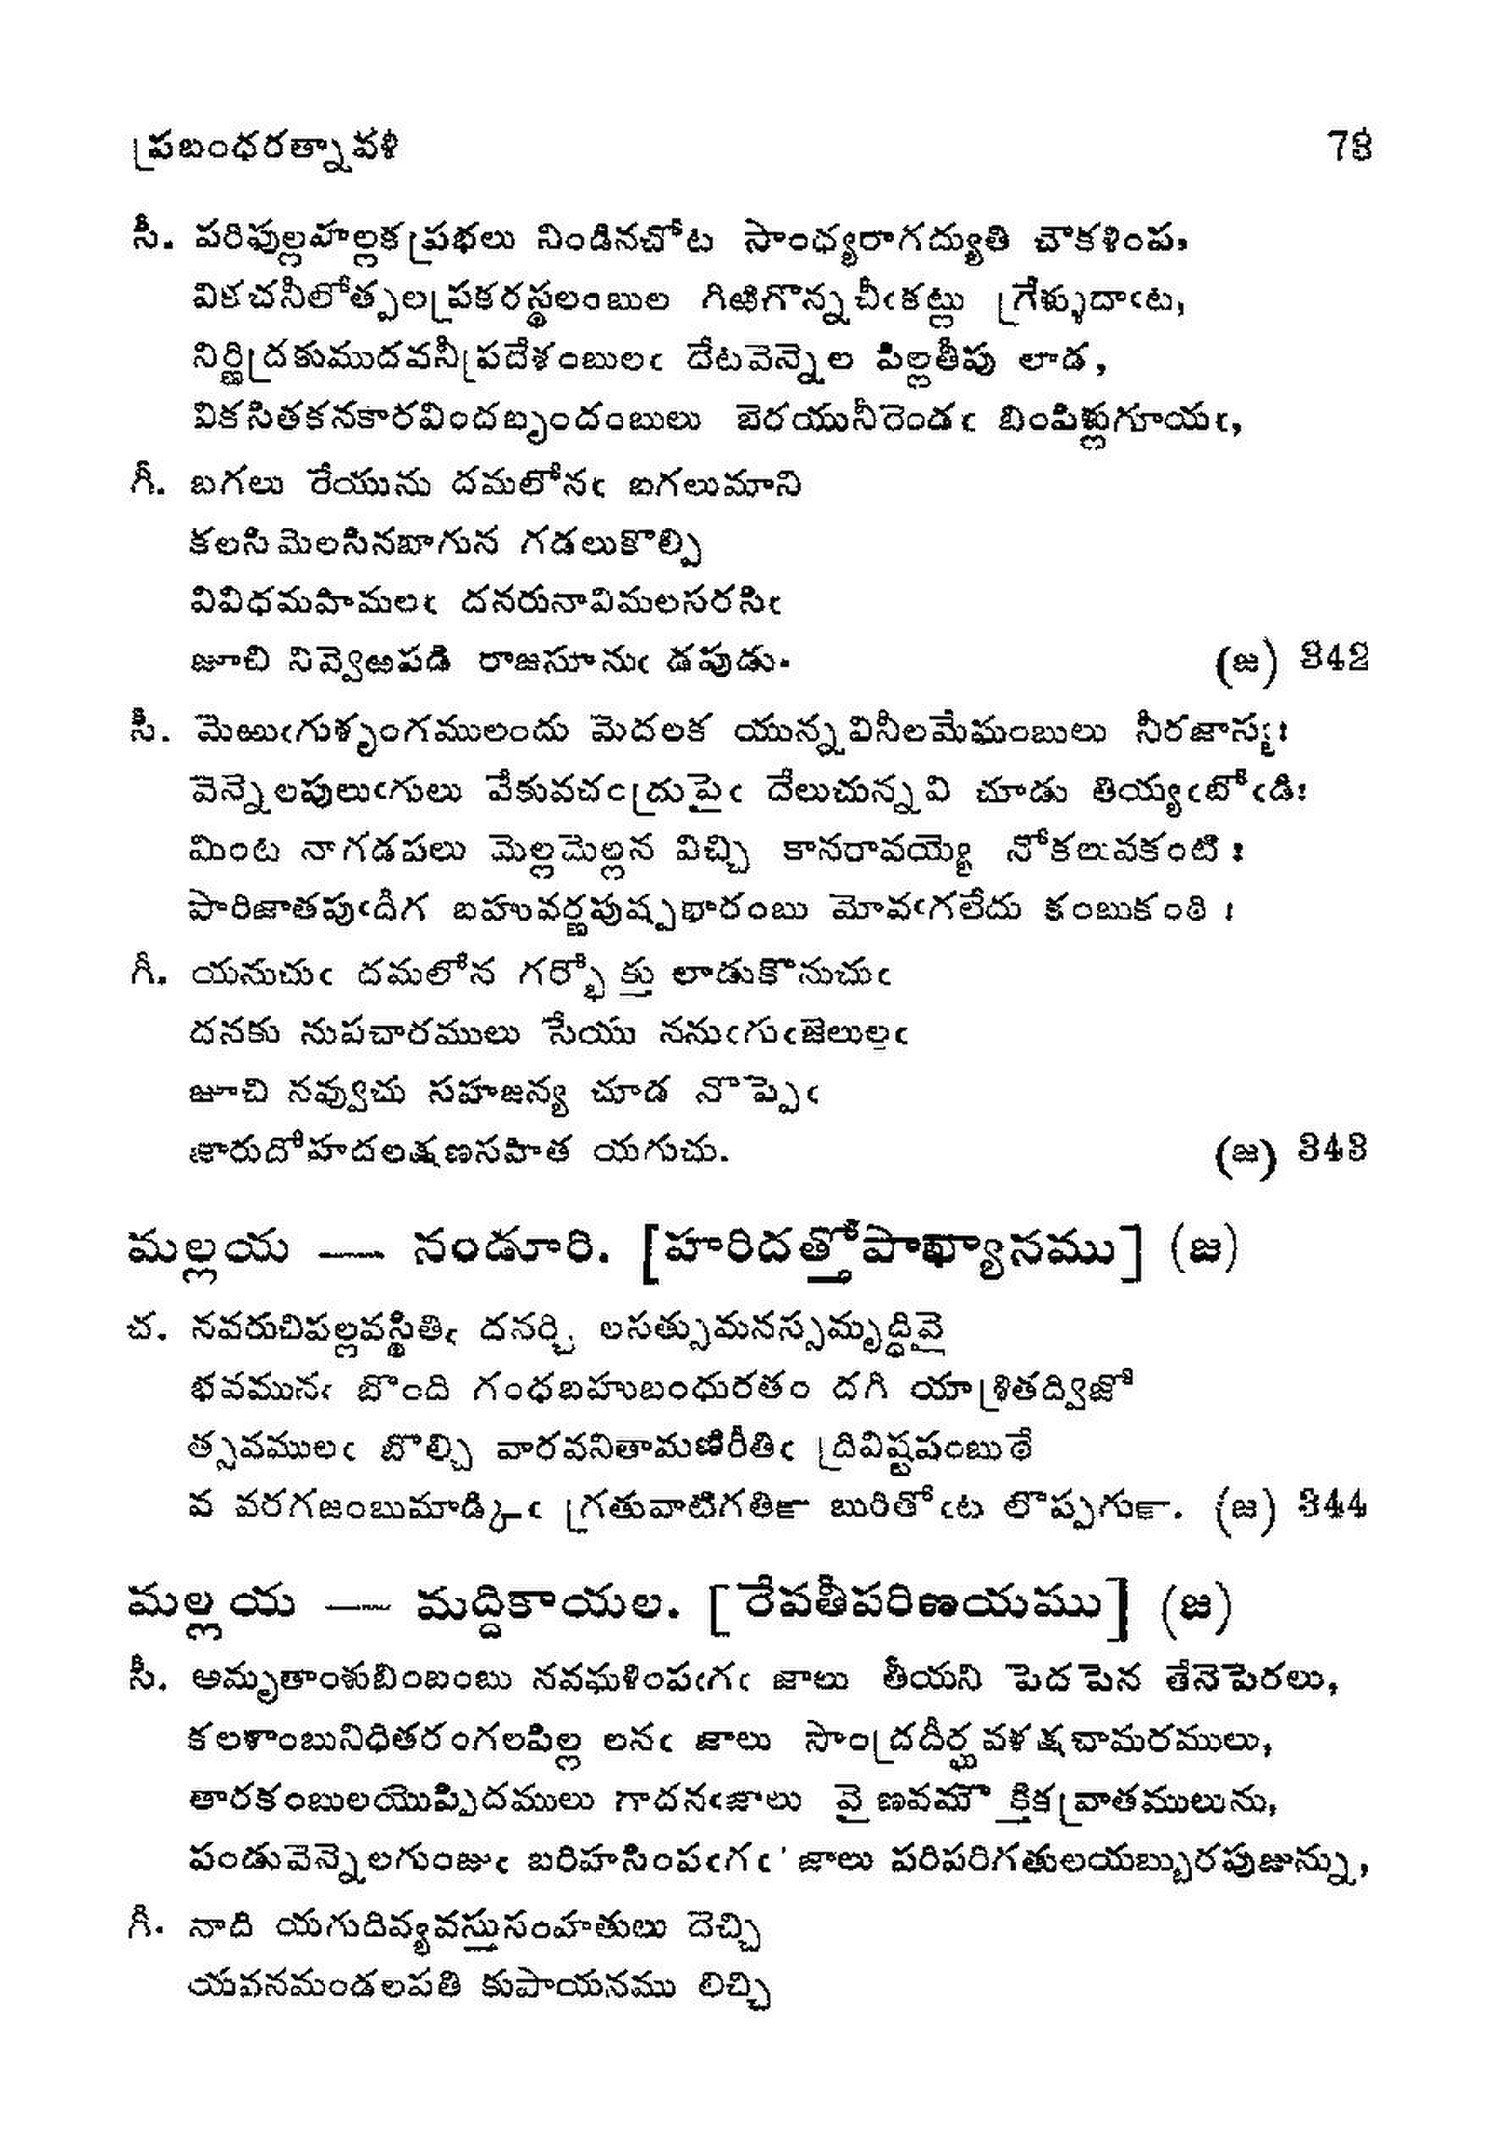సీ. పరిఫుల్లహల్లకప్రభలు నిండినచోట సాంధ్యరాగద్యుతి చౌకళింప
వికచనీలోత్పల ప్రకరస్థలంబుల గిఱికొన్న చీఁకట్లు గ్రేళ్ళుదాఁట
నిర్ణిద్ర కుముదవనీప్రదేశంబులఁ దేఁటవెన్నెల పిల్ల తీపులాడ
వికసిత కనకారవిందబృందంబులు బెరయు నీరెండఁ బింపిళ్ళు గూయఁ
గీ. బగలు రేయును దమలోనఁ బగలు మాని
కలసి మెలసిన బాగున గడలు కొల్పి
వివిధమహిమలఁ దనరు నా విమలసరసిఁ
జూచి నివ్వెఱపడి రాజసూనుఁ డపుడు. (జ) 342

సీ. మెఱుఁగుశృంగములందు మెదలక యున్నవి నీలమేఘంబులు నీరజాస్య!
వెన్నెలపులుఁగులు వేకువచంద్రుపైఁ దేలుచున్నవి చూడు తియ్యఁబోఁడి!
మింట నాగడపలు మెల్లమెల్లన విచ్చి కానరావయ్యె నో కలువకంటి!
పారిజాతపుఁదీగ బహువర్ణపుష్పభారంబు మోవగలేదు కంబుకంఠి!
గీ. యనుచుఁ దమలోన గర్భోక్తు లాడుకొనుచుఁ
దనకు నుపచారములు సేయు ననుఁగుఁజెలులఁ
జూచి నవ్వుచు సహజన్య చూడ నొప్పెఁ
జారుదోహద లక్షణసహిత యగుచు. (జ) 343

మల్లయ, నండూరి [హరిదత్తోపాఖ్యానము] (జ)
చ. నవరుచిపల్లవస్థితిఁ దనర్చి లసత్సుమనస్సమృద్ధివై
భవమున నొంది గంధబహుబంధురతం దగి యాశ్రిత ద్విజో
త్సవములఁ బొల్చి వారవనితామణిరీతిఁ ద్రివిష్టపంబు ఠే
వ వరగజంబుమాడ్కిఁ గ్రతువాటిగతిన్ బురితోట లొప్పగున్. (జ) 344

మల్లయ, మద్దికాయల [రేవతీపరిణయము] (జ)
సీ. అమృతాంశుబింబంబు నవఘళింపఁగఁజాలు తీయని పెదపెన తేనెపెరలు
కలశాంబునిధి తరంగల పిల్లలనఁ జాలు సాంద్రదీర్ఘవళక్షచామరములు
తారకంబుల యొప్పిదములు గాదనఁజాలు వైణవమౌక్తికవ్రాతములును
పండువెన్నెలగుంజుఁ బరిహసింపఁగఁ జాలు పరిపరిగతుల యబ్బురపుజున్ను
గీ. నాది యగు దివ్యవస్తుసంహతులు దెచ్చి
యవనమండలపతి కుపాయనము లిచ్చి